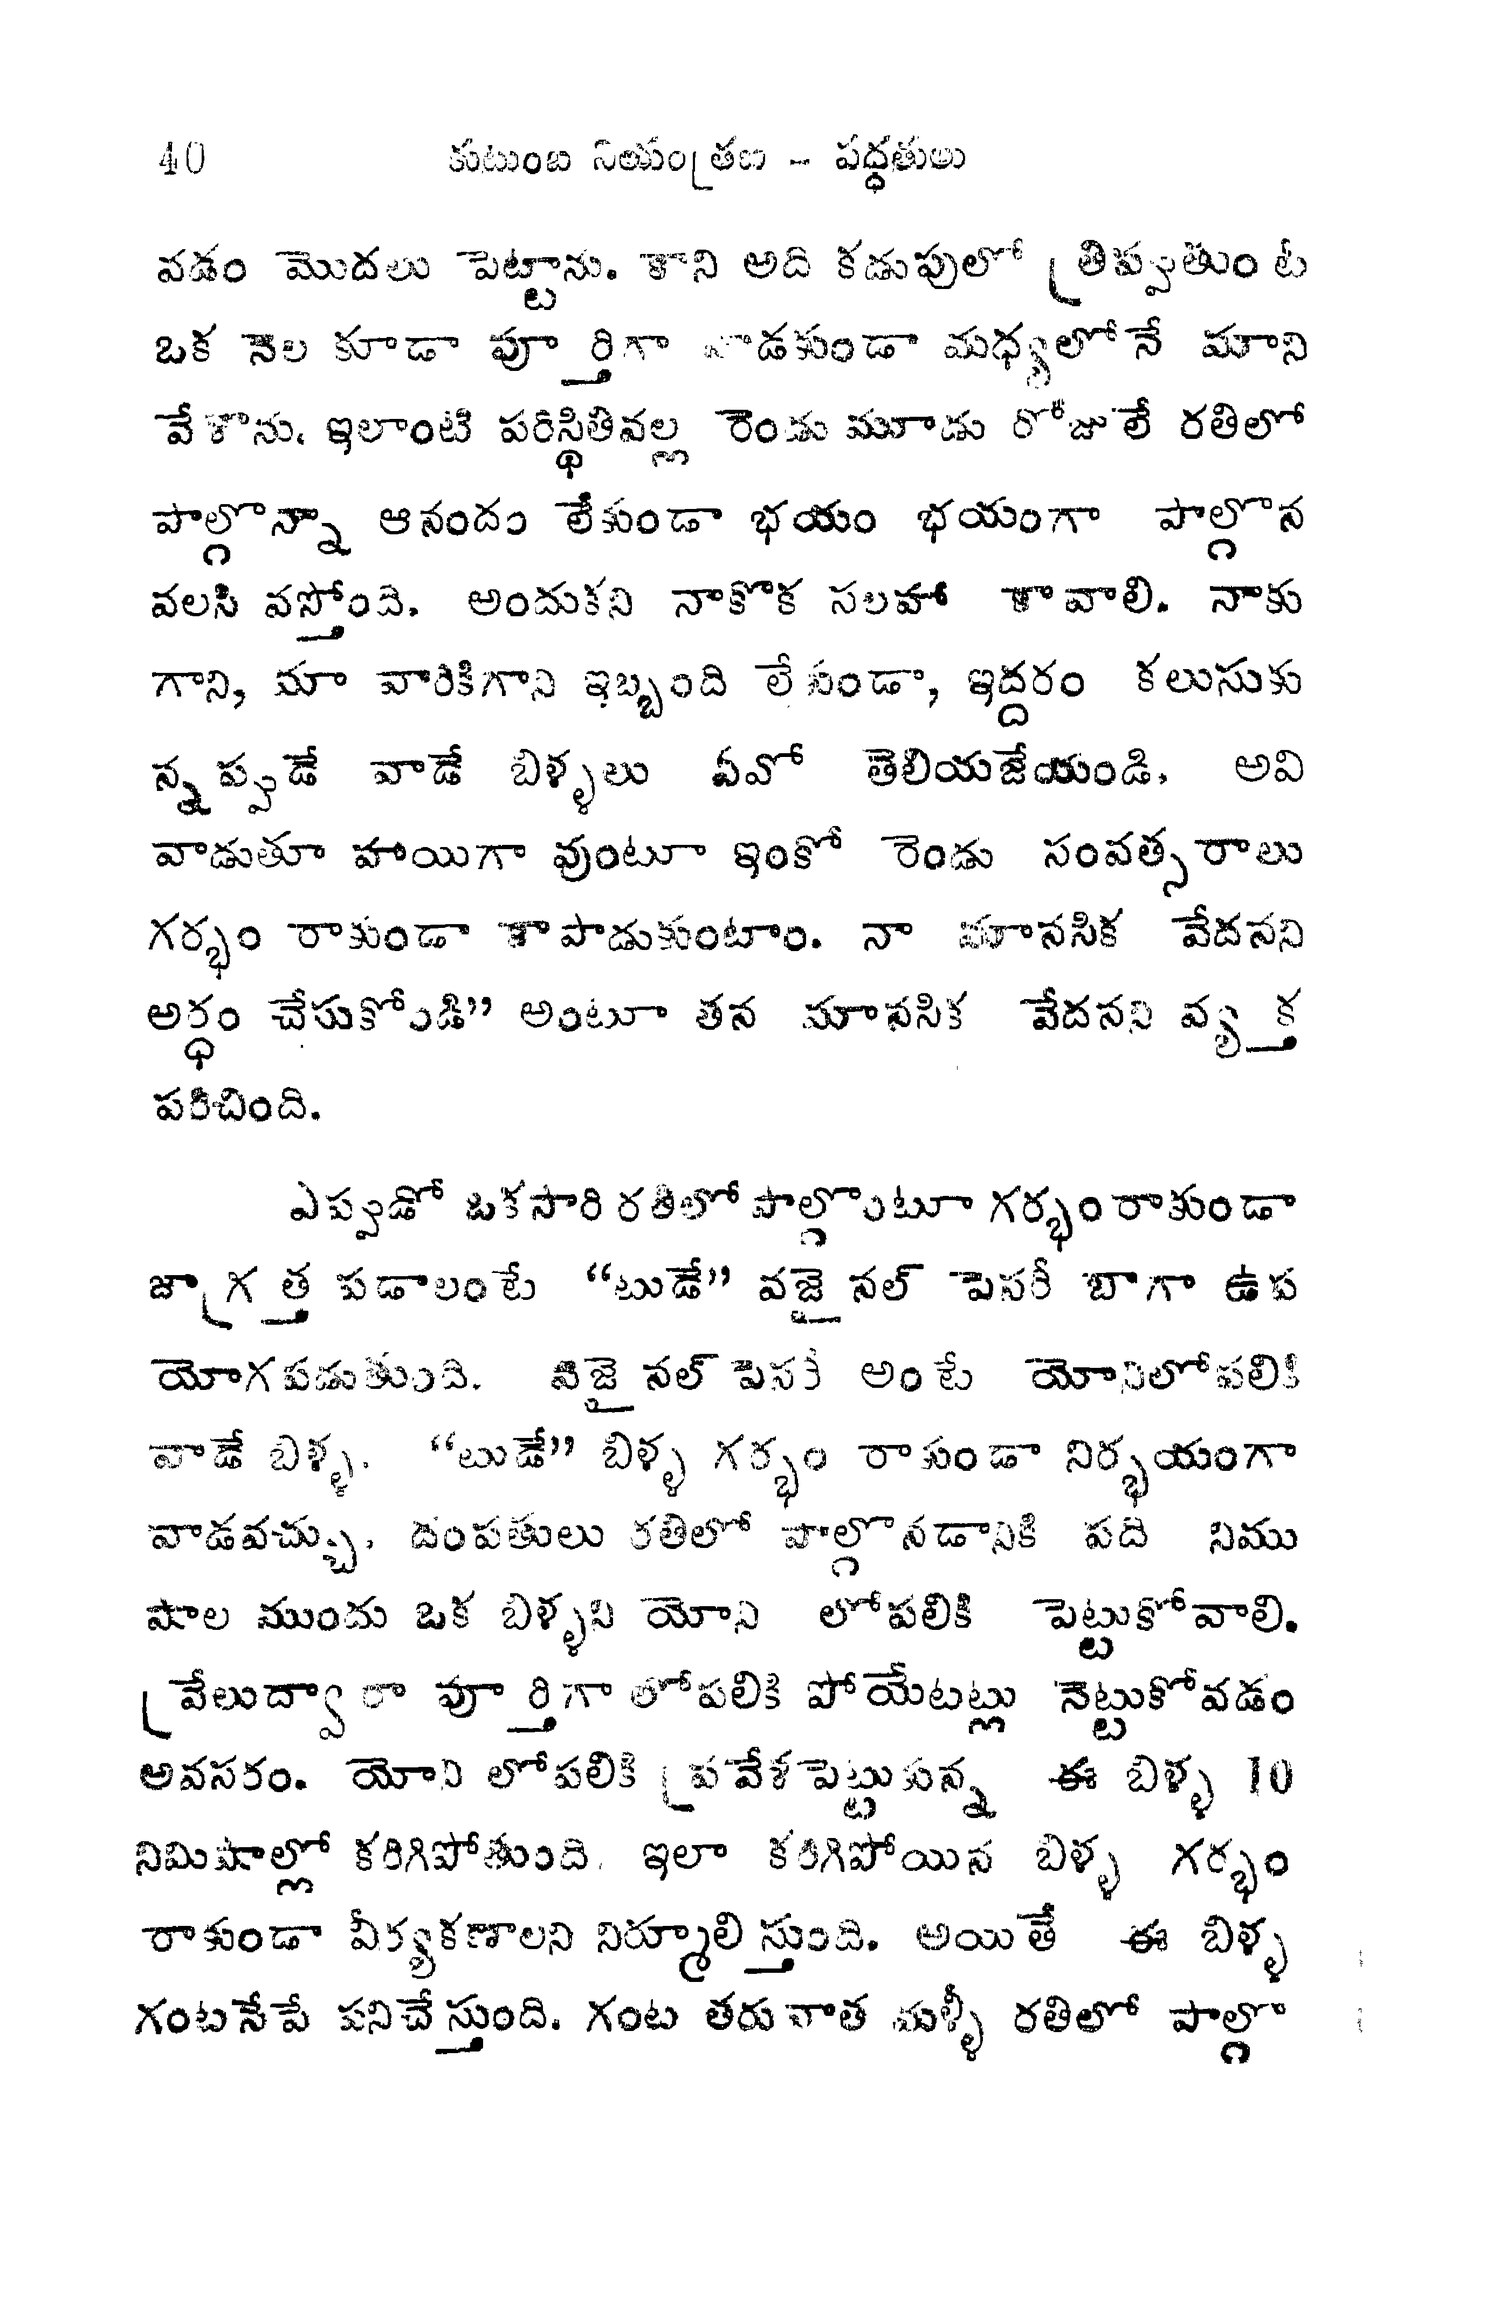వడం మొదలు పెట్టాను. కాని అది కడుపులో త్రిప్పుతుంటే ఒక నెల కూడా పూర్తిగా వాడకుండా మధ్యలోనే మానివేశాను. ఇలాంటి పరిస్థితివల్ల రెండు మూదు రొజులే రతిలో పాల్గొన్నా ఆనందం లేకుండా భయం భయంగా పాల్గొనవలసి వస్తోంది. అందుకని నాకొక సలహా కావాలి. నాకు గాని, మా వారికి గాని ఇబ్బంది లేకుండా, ఇద్దరం కలుసుకున్నప్పుడే వాడే బిళ్ళలు ఏవో తెలియజేయండి. అవి వాడుతూ హాయిగా గర్భం రాకుండా కాపాడుకుంటాం. నా మానసిక వేదనని అర్ధం చేసుకోండి" అంటూ తన మానసిక వేదనని వ్యక్తపరిచింది.

ఎప్పుడో ఒకసారి రతిలో పాల్గొంటూ గర్భంరాకుండా జాగ్రత్తపడాలంటే "టుడే" వజైనల్ పెసరీ బాగా ఉపయోగపడుతుంది. వజైనల్ పెసరీ అంటే యోనిలోపలి వాడే బిళ్ళ. "టుడే" బిళ్ళ గర్భం రాకుండా నిర్భయంగా వాడవచ్చు. దంపతులు రతిలో పాల్గొనడానికి పది నిముషాల ముందు ఒక బిళ్ళని యోని లోపలికి పెట్టుకోవాలి. వ్రేలుద్వారా పూర్తిగా లోపలికి పోయేటట్లు నెట్టుకోవడం అవసరం. యోని లోపలికి ప్రవేశపెట్టుతున్న ఈ బిళ్ళ 10 నిమిషాల్లో కరిగిపోతుంది. ఇలా కరిగిపోయిన బిళ్ళ గర్భం రాకుండా వీర్యకణాలని నిర్మూలిస్తుంది. అయితే ఈ బిళ్ళ గంటసేపే పనిచేస్తుంది. గంట తరువాత మళ్ళీ రతిలో పాల్గొ